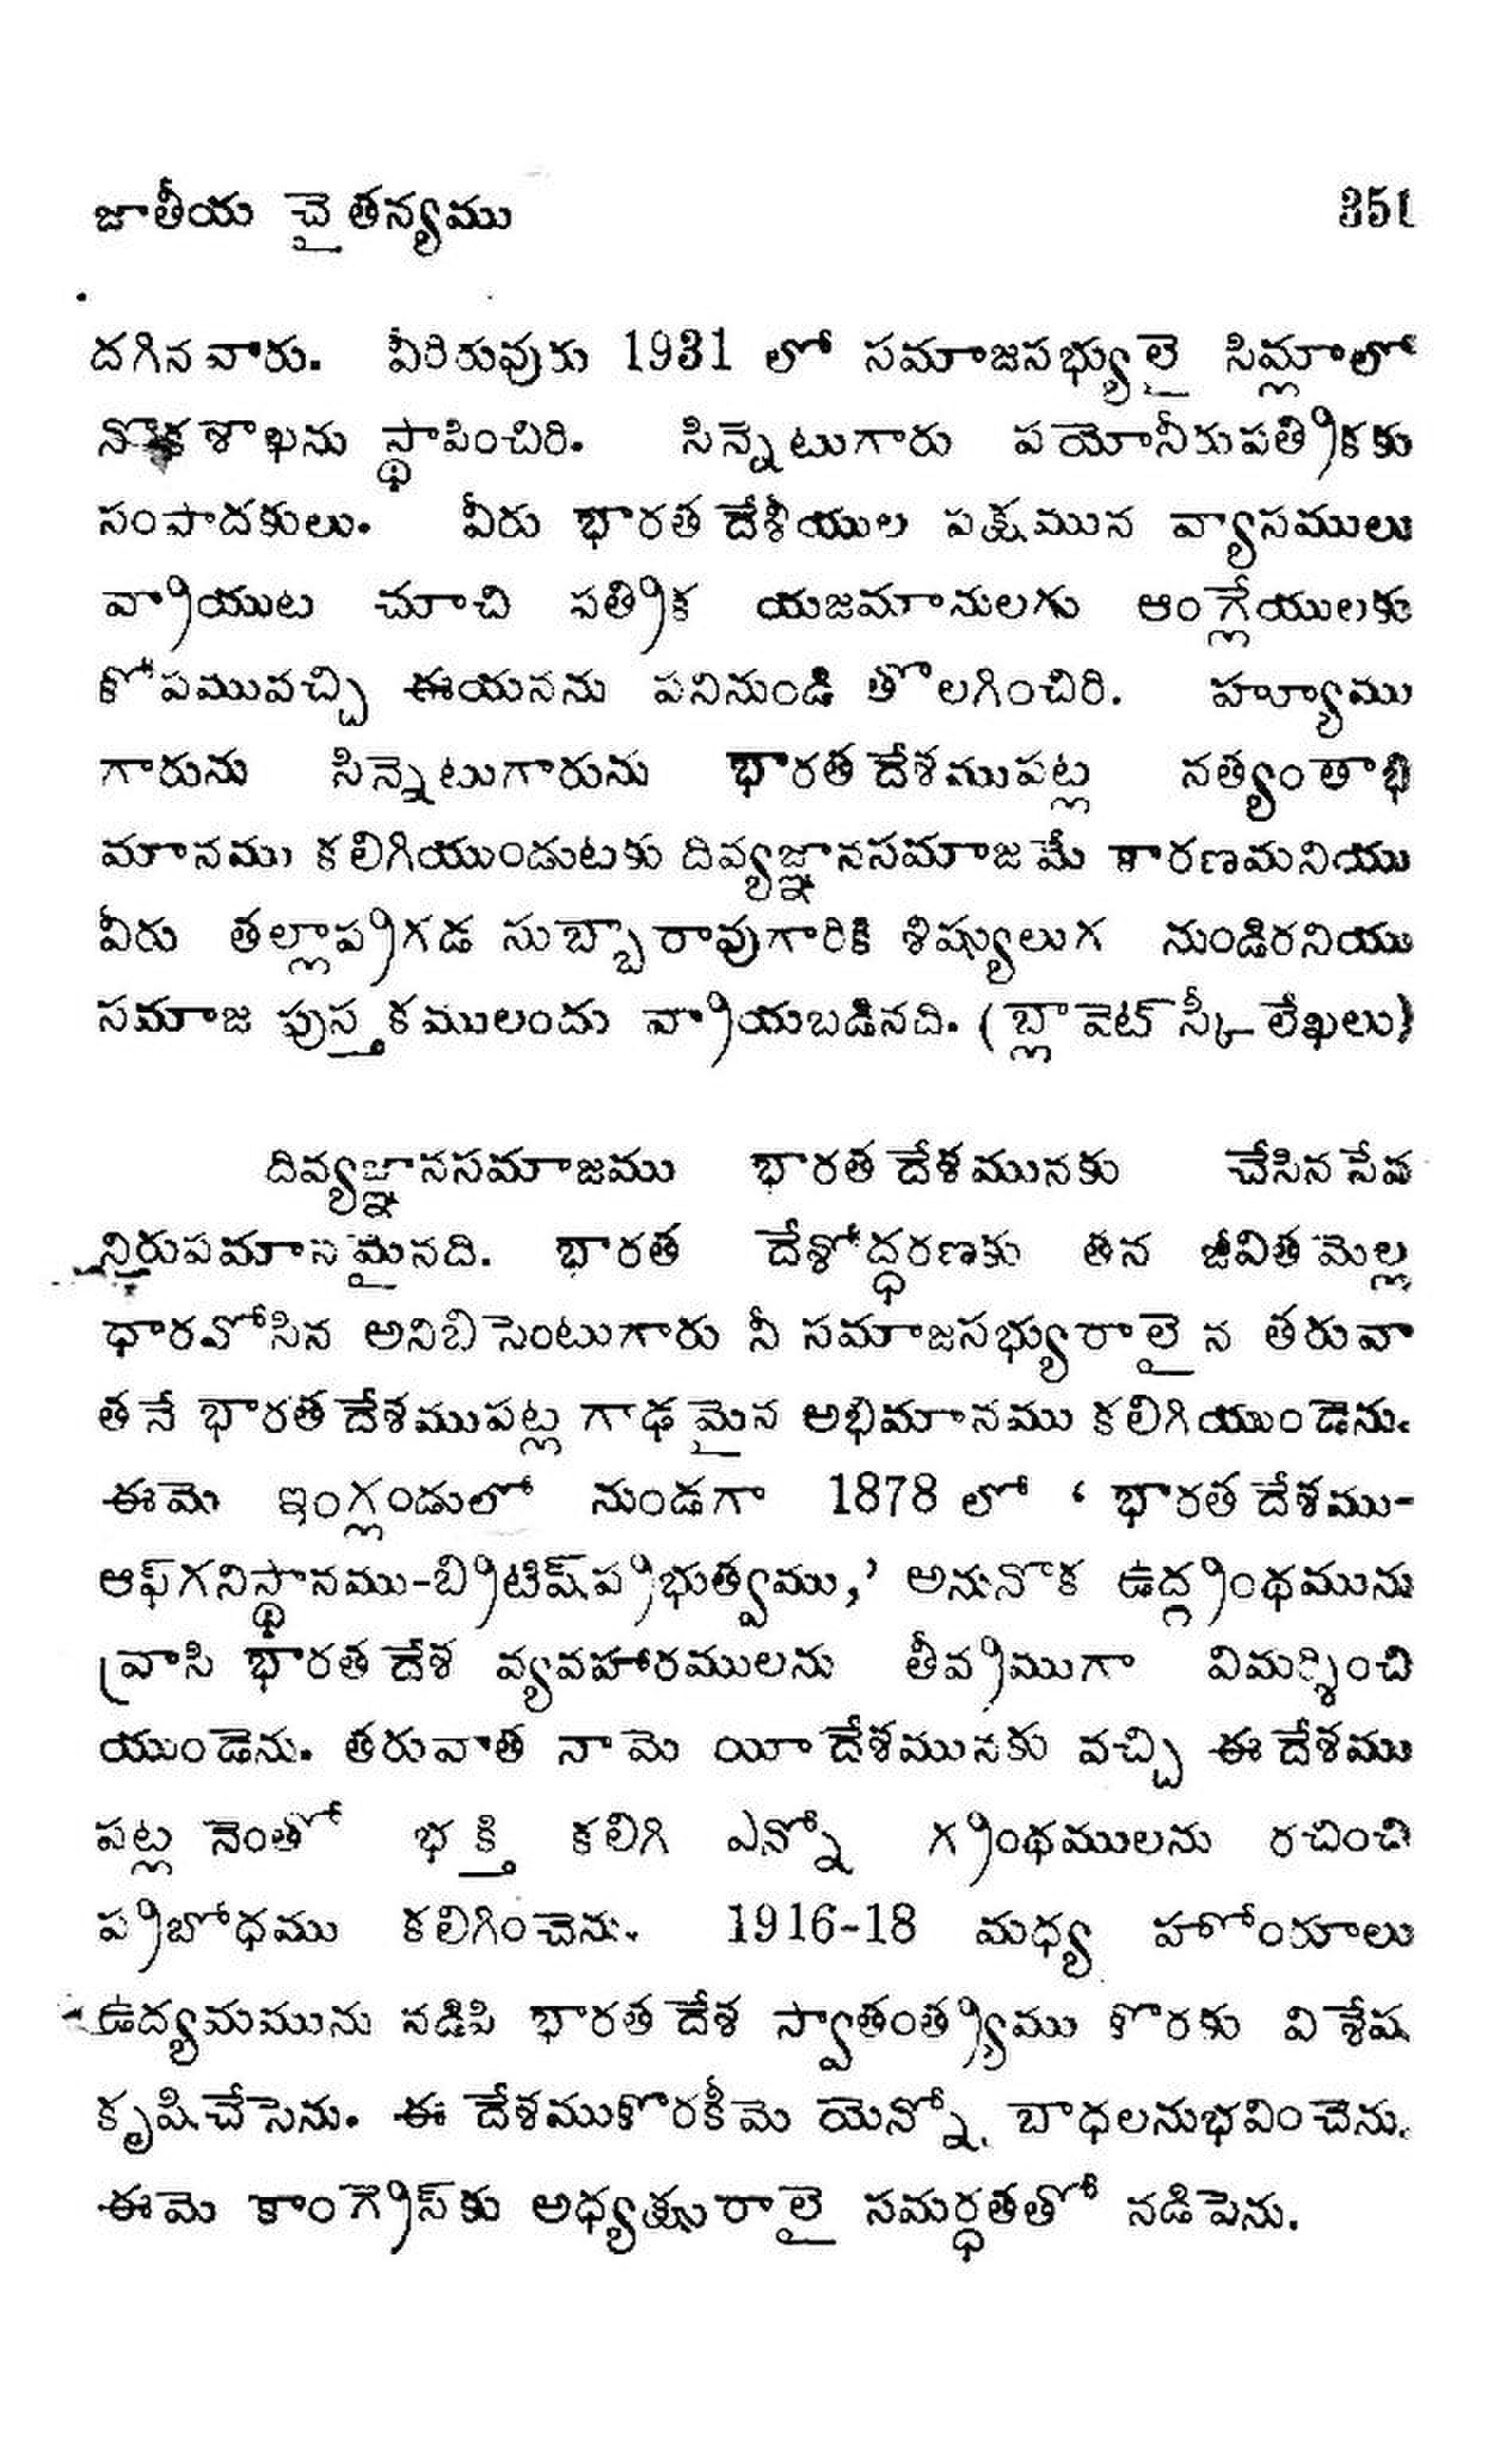దగినవారు. వీరిరువురు 1931 లో సమాజసభ్యులై సిమ్లాలో నొకశాఖను స్థాపించిరి. సిన్నెటుగారు పయోనీరుపత్రికకు సంపాదకులు. వీరు భారతదేశీయుల పక్షమున వ్యాసములు వ్రాయుట చూచి పత్రిక యజమానులగు ఆంగ్లేయులకు కోపమువచ్చి ఈయనను పనినుండి తొలగించిరి. హ్యూముగారును సిన్నెటుగారును భారతదేశముపట్ల నత్యంతాభిమానము కలిగియుండుటకు దివ్యజ్ఞానసమాజమే కారణమనియు వీరు తల్లాప్రగడ సుబ్బారావుగారికి శిష్యులుగ నుండిరనియు సమాజ పుస్తకములందు వ్రాయబడినది. (బ్లావెట్‌స్కీ లేఖలు)

దివ్యజ్ఞానసమాజము భారతదేశమునకు చేసినసేవ నిరుపమానమైనది. భారత దేశోద్ధరణకు తన జీవితమెల్ల
ధారవోసిన అనిబిసెంటుగారు నీ సమాజసభ్యురాలైన తరువాతనే భారతదేశముపట్ల గాఢమైన అభిమానము కలిగియుండెను. ఈమె ఇంగ్లండులో నుండగా 1878 లో 'భారతదేశము - ఆఫ్‌గనిస్థానము - బ్రిటిష్ ప్రభుత్వము,” అనునొక ఉద్గ్రంథమును వ్రాసి భారతదేశ వ్యవహారములను తీవ్రముగా విమర్శించి యుండెను. తరువాత నామె యీదేశమునకు వచ్చి ఈదేశము పట్ల నెంతో భక్తి కలిగి ఎన్నో గ్రంథములను రచించి ప్రబోధము కలిగించెను. 1916-18 మధ్య హోంరూలు ఉద్యమమును నడిపి భారతదేశ స్వాతంత్యము కొరకు విశేష కృషిచేసెను. ఈ దేశముకొరకీమె యెన్నో బాధలనుభవించెను. ఈమె కాంగ్రెస్‌కు అధ్యక్షురాలై సమర్ధతతో నడిపెను.